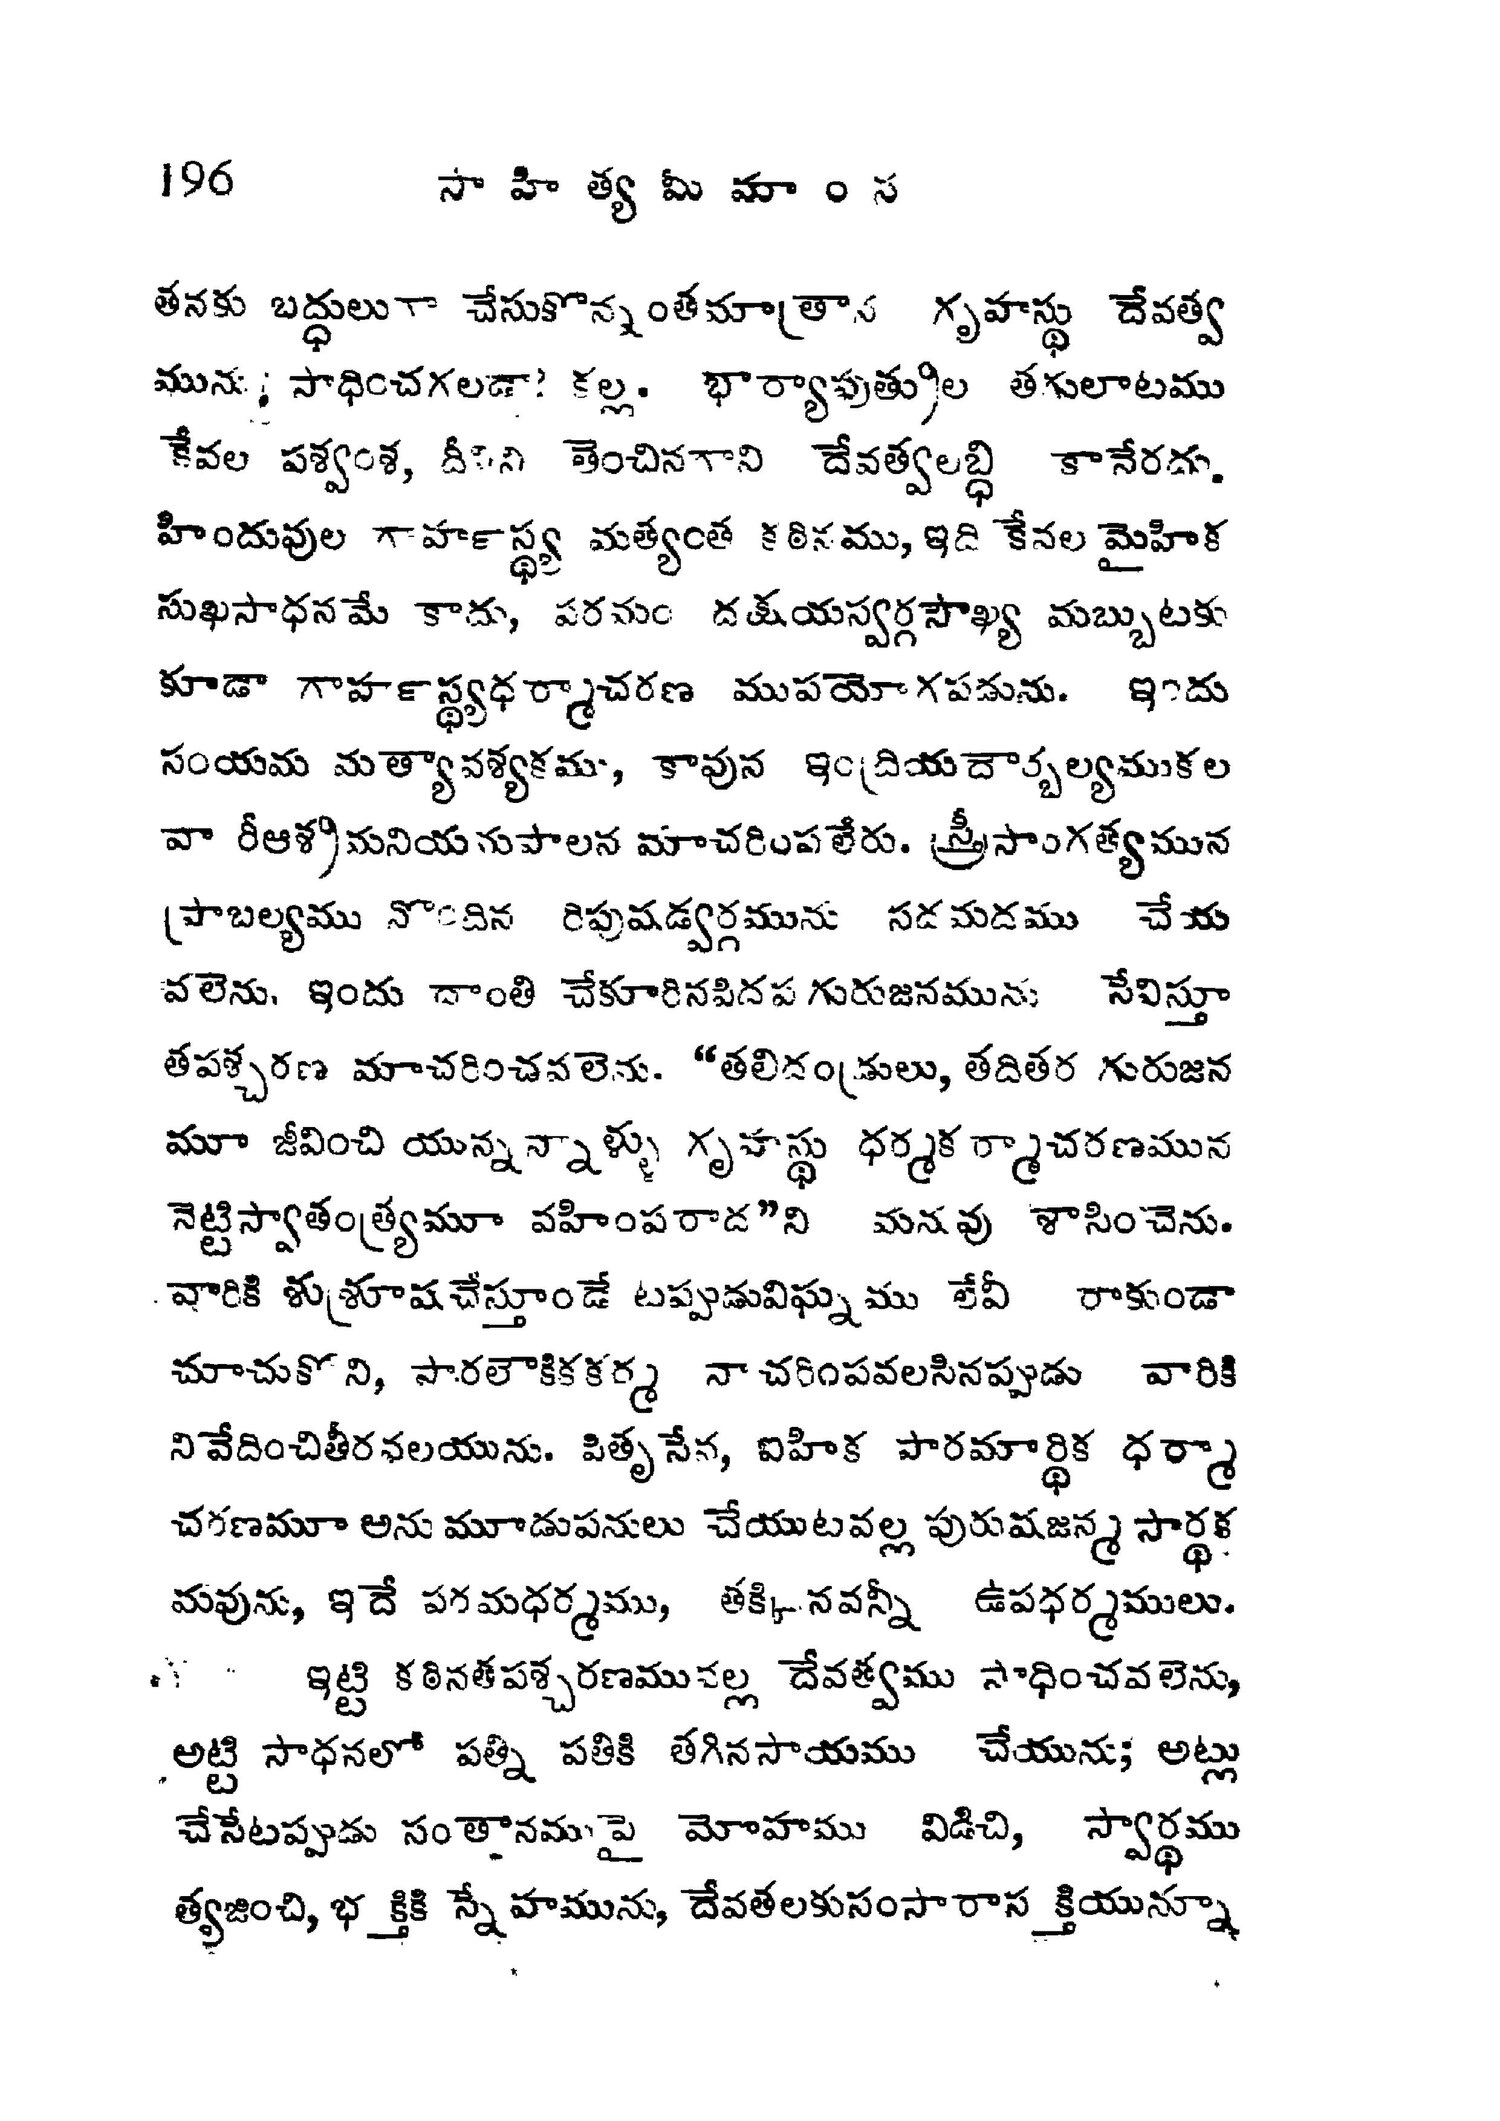తనకు బద్ధులుగా చేసుకొన్నంతమాత్రాన గృహస్థు దేవత్వమును, సాధించగలడా? కల్ల. భార్యాపుత్రుల తగులాటము కేవల పశ్వంశ, దీనిని తెంచినగాని దేవత్వలబ్ధి కానేరదు. హిందువుల గాహన్‌స్థ్య మత్యంత కఠినము, ఇది కేవల మైహిక సుఖసాధనమే కాదు, పరమం దక్షయస్వర్గసౌఖ్య మబ్బుటకు కూడా గాహన్‌స్థ్యధర్మాచరణ ముపయోగపడును. ఇందు సంయమ మత్యావశ్యకము, కావున ఇంద్రియదౌర్బల్యముకల వా రీఆశ్రమనియమపాలన మాచరింపలేరు. స్త్రీసాంగత్యమున ప్రాబల్యము నొందిన రిపుషడ్వర్గమును సద మదము చేయవలెను. ఇందు దాంతి చేకూరినపిదప గురుజనమును సేవిస్తూ తపశ్చరణ మాచరించవలెను. "తలిదండ్రులు, తదితర గురుజనమూ జీవించి యున్న న్నాళ్ళు గృహస్థు ధర్మకర్మాచరణమున నెట్టిస్వాతంత్ర్యమూ వహింపరాద"ని మనువు శాసించెను. వారికి శుశ్రూషచేస్తూండే టప్పుడువిఘ్నము లేవీ రాకుండా చూచుకొని, పారలౌకికకర్మ నా చరింపవలసినప్పుడు వారికి నివేదించితీరవలయును. పితృసేవ, ఐహిక పారమార్థిక ధర్మా చరణమూ అను మూడుపనులు చేయుటవల్ల పురుషజన్మ సార్థక మవును, ఇదే పరమధర్మము, తక్కినవన్నీ ఉపధర్మములు.

ఇట్టి కఠినతపశ్చరణమువల్ల దేవత్వము సాధించవలెను, అట్టి సాధనలో పత్ని పతికి తగినసాయము చేయును; అట్లు చేసేటప్పుడు సంతానముపై మోహము విడిచి, స్వార్థము త్యజించి, భక్తికి స్నేహమును, దేవతలకుసంసారాసక్తియున్నూ